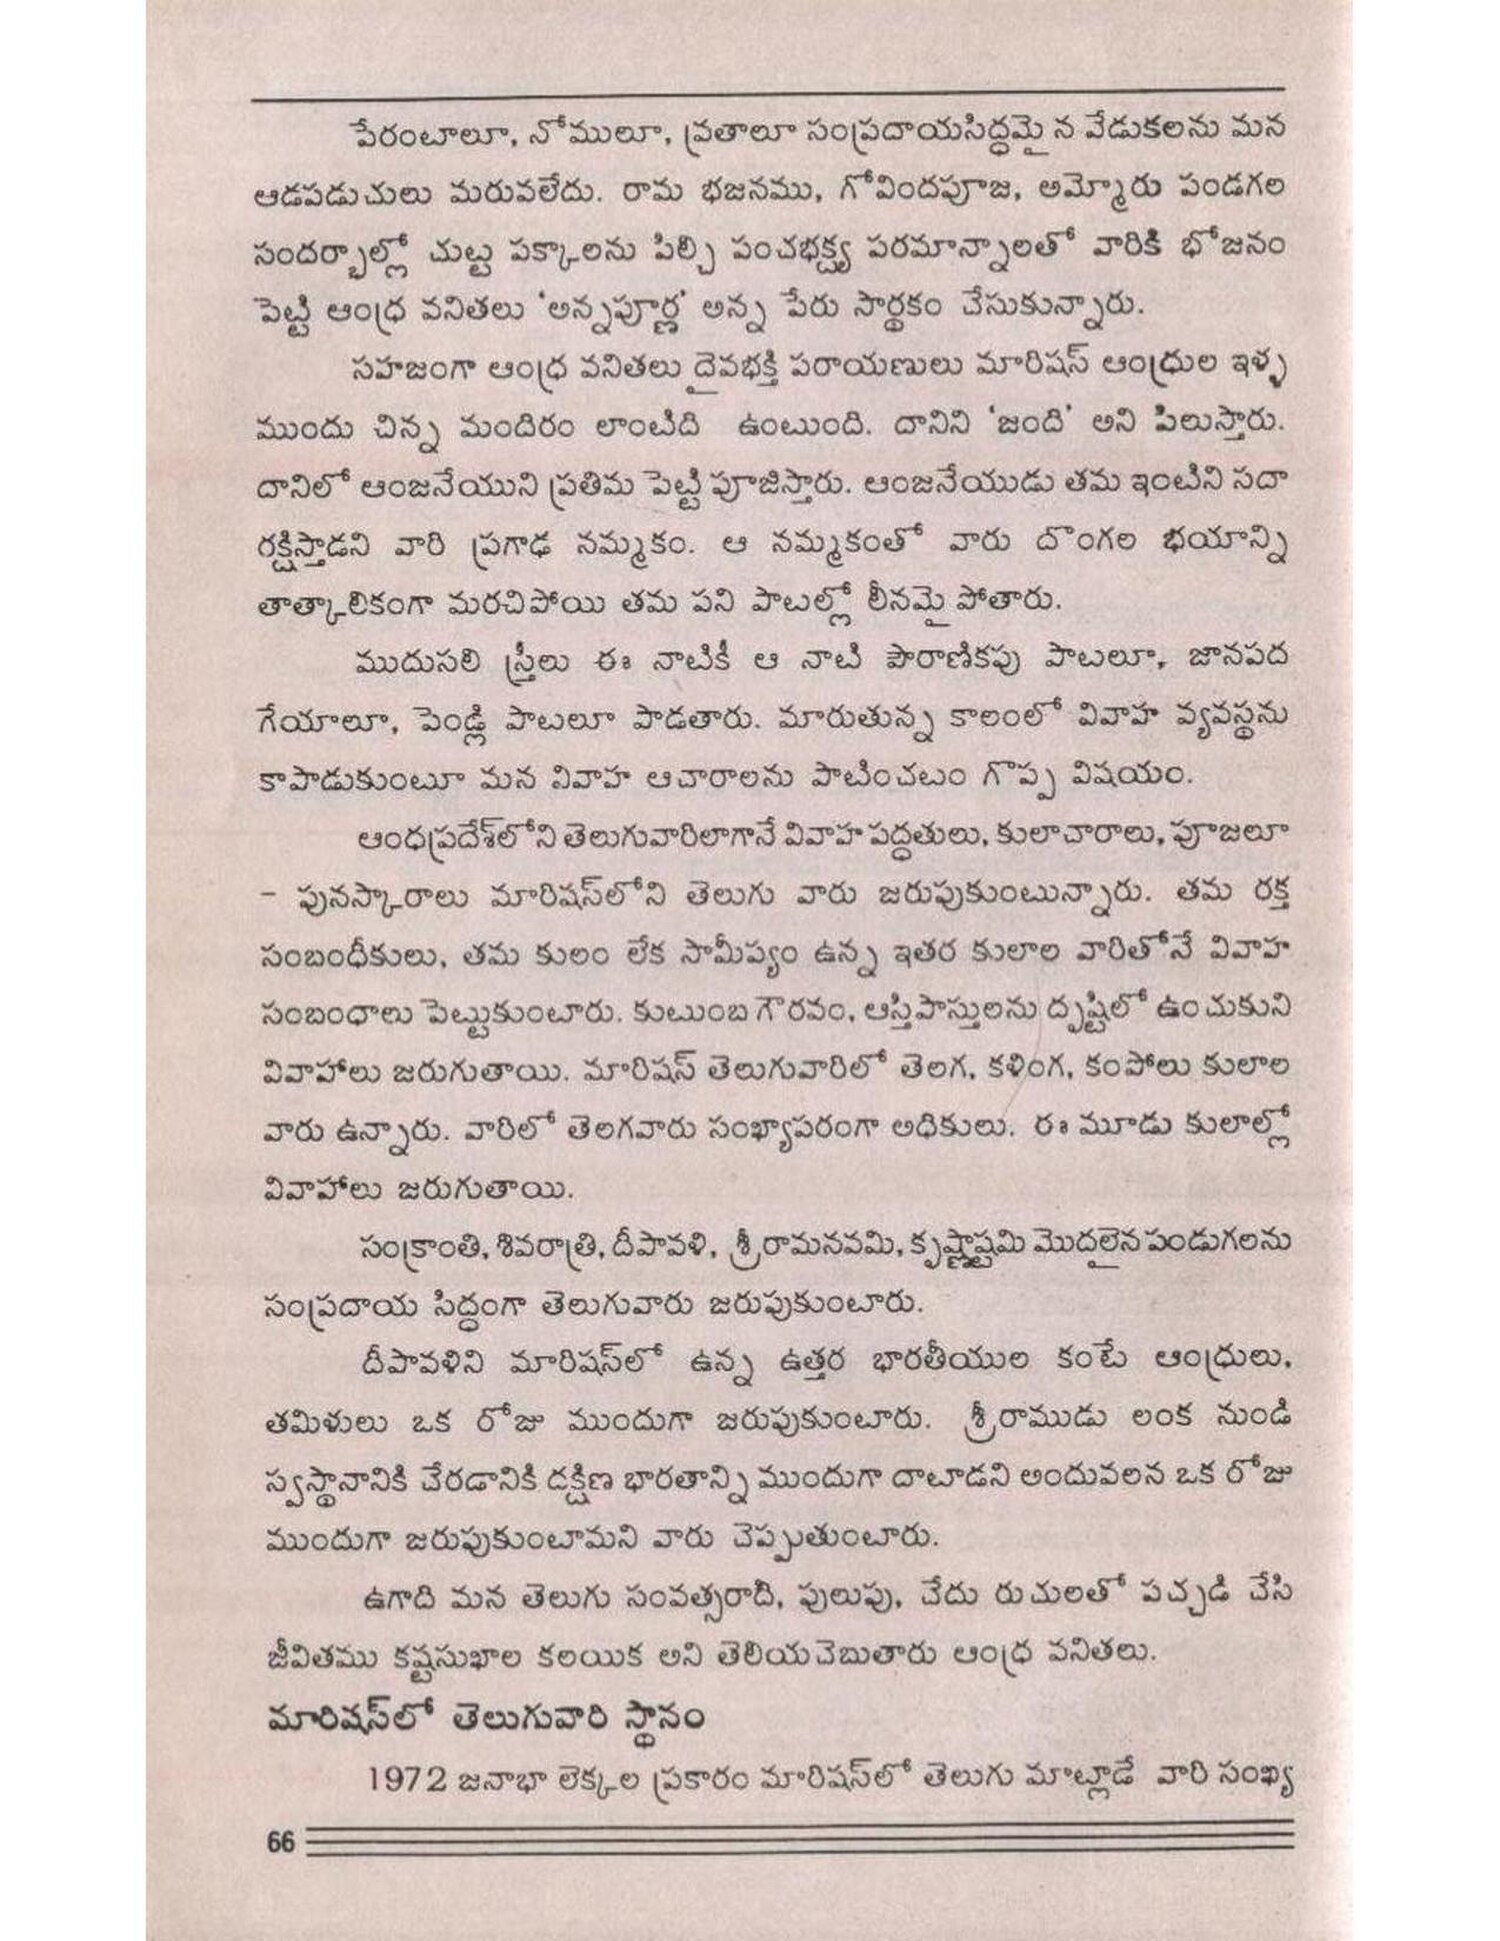పేరంటాలూ, నోములూ, వ్రతాలూ సంప్రదాయసిద్ధమైన వేడుకలను మన ఆడపడుచులు మరువలేదు. రామ భజనము, గోవిందపూజ, అమ్మోరు పండగల సందర్బాల్లో చుట్ట పక్కాలను పిల్చి పంచభక్ష్య పరమాన్నాలతో వారికి భోజనం పెట్టి ఆంధ్ర వనితలు 'అన్నపూర్ణ' అన్న పేరు సార్ధకం చేసుకున్నారు.

సహజంగా ఆంధ్ర వనితలు దైవభక్తి పరాయణులు మారిషస్ ఆంధ్రుల ఇళ్ళ ముందు చిన్న మందిరం లాంటిది ఉంటుంది. దానిని 'జంది' అని పిలుస్తారు. దానిలో ఆంజనేయుని ప్రతిమ పెట్టి పూజిస్తారు. ఆంజనేయుడు తమ ఇంటిని సదా రక్షిస్తాడని వారి ప్రగాఢ నమ్మకం. ఆ నమ్మకంతో వారు దొంగల భయాన్ని తాత్కాలికంగా మరచిపోయి తమ పని పాటల్లో లీనమై పోతారు.

ముదుసలి స్త్రీలు ఈ నాటికీ ఆ నాటి పౌరాణికపు పాటలూ, జానపద గేయాలూ, పెండ్లి పాటలూ పాడతారు. మారుతున్న కాలంలో వివాహ వ్యవస్థను కాపాడుకుంటూ మన వివాహ ఆచారాలను పాటించటం గొప్ప విషయం.

ఆంధప్రదేశ్‌లోని తెలుగువారిలాగానే వివాహ పద్ధతులు, కులాచారాలు, పూజలూ - పునస్కారాలు మారిషస్ లోని తెలుగు వారు జరుపుకుంటున్నారు. తమ రక్త సంబంధీకులు, తమ కులం లేక సామీప్యం ఉన్న ఇతర కులాల వారితోనే వివాహ సంబంధాలు పెట్టుకుంటారు. కుటుంబ గౌరవం, ఆస్తిపాస్తులను దృష్టిలో ఉంచుకుని వివాహాలు జరుగుతాయి. మారిషస్ తెలుగువారిలో తెలగ, కళింగ, కంపోలు కులాల వారు ఉన్నారు. వారిలో తెలగవారు సంఖ్యాపరంగా అధికులు. ఈ మూడు కులాల్లో వివాహాలు జరుగుతాయి.

సంక్రాంతి, శివరాత్రి, దీపావళి, శ్రీరామనవమి, కృష్ణాష్టమి మొదలైన పండుగలను సంప్రదాయ సిద్ధంగా తెలుగువారు జరుపుకుంటూరు.

దీపావళిని మారిషస్‌లో ఉన్న ఉత్తర భారతీయుల కంటే ఆంధ్రులు, తమిళులు ఒక రోజు ముందుగా జరుపుకుంటూరు. శ్రీరాముడు లంక నుండి స్వస్థానానికి చేరడానికి దక్షిణ భారతాన్ని ముందుగా దాటాడని అందువలన ఒక రోజు ముందుగా జరుపుకుంటామని వారు చెప్పుతుంటారు.

ఉగాది మన తెలుగు సంవత్సరాది, పులుపు, చేదు రుచులతో పచ్చడి చేసి జీవితము కష్టసుఖాల కలయిక అని తెలియచెబుతారు ఆంధ్ర వనితలు. 

మారిషస్‌లో తెలుగువారి స్థానం

1972 జనాభా లెక్కల ప్రకారం మారిషస్‌లో తెలుగు మాట్లాడే వారి సంఖ్య